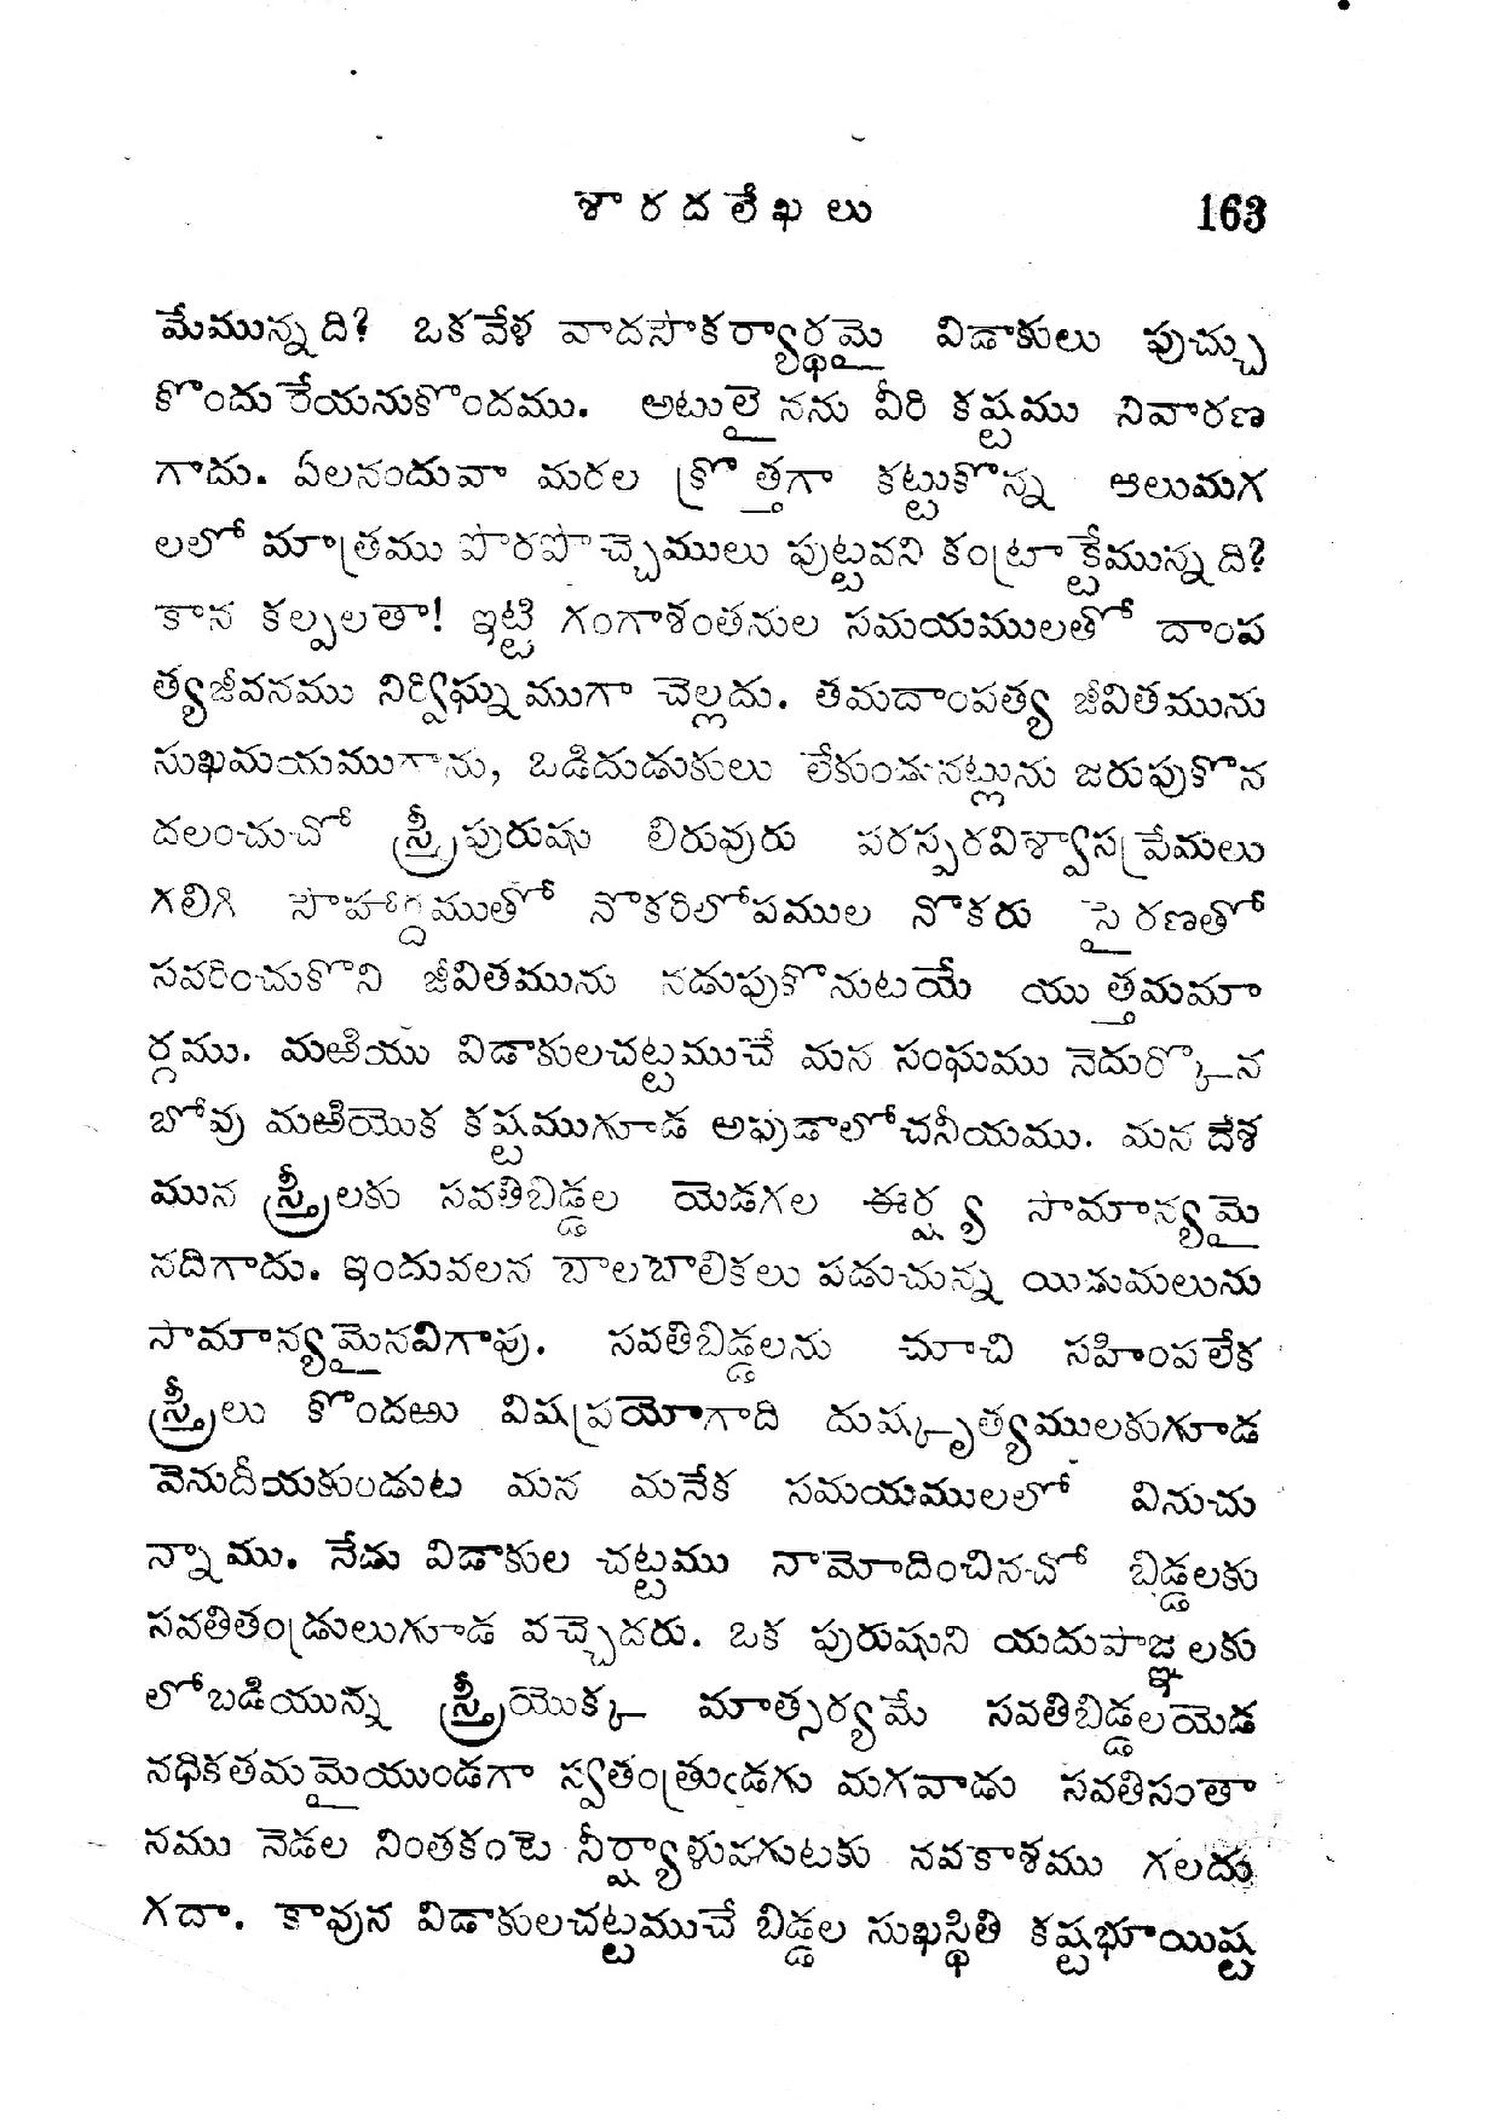మేమున్నది? ఒకవేళ వాదసౌకర్యార్థమై విడాకులు పుచ్చుకొందురేయనుకొందము. అటులైనను వీరి కష్టము నివారణ గాదు. ఏలనందువా మరల క్రొత్తగా కట్టుకొన్న ఆలుమగలలో మాత్రము పొరపొచ్చెములు పుట్టవని కంట్రాక్టేమున్నది? కాన కల్పలతా! ఇట్టి గంగాశంతనుల సమయములతో దాంపత్యజీవనము నిర్విఘ్నముగా చెల్లదు. తమదాంపత్య జీవితమును సుఖమయముగాను, ఒడిదుడుకులు లేకుండునట్లును జరుపుకొన
దలంచుచో స్త్రీపురుషు లిరువురు పరస్పరవిశ్వాసప్రేమలు గలిగి సౌహార్దముతో నొకరిలోపముల నొకరు సైరణతో
సవరించుకొని జీవితమును నడుపుకొనుటయే యుత్తమమార్గము. మఱియు విడాకులచట్టముచే మన సంఘము నెదుర్కొన బోవు మఱియొక కష్టముగూడ అపుడాలోచనీయము. మన దేశమున స్త్రీలకు సవతిబిడ్డల యెడగల ఈర్ష్య సామాన్యమైనదిగాదు. ఇందువలన బాలబాలికలు పడుచున్న యిడుమలును
సామాన్యమైనవిగావు. సవతిబిడ్డలను చూచి సహింపలేక స్త్రీలు కొందఱు విషప్రయోగాది దుష్కృత్యములకుగూడ వెనుదీయకుండుట మన మనేక సమయములలో వినుచున్నాము. నేడు విడాకుల చట్టము నామోదించినచో బిడ్డలకు సవతితండ్రులుగూడ వచ్చెదరు. ఒక పురుషుని యదుపాజ్ఞలకు
లోబడియున్న స్త్రీయొక్క మాత్సర్యమే సవతిబిడ్డలయెడ నధికతమమైయుండగా స్వతంత్రుఁడగు మగవాడు సవతిసంతానము నెడల నింతకంటె నిర్ష్యాళువగుటకు నవకాశము గలదు గదా. కావున విడాకులచట్టముచే బిడ్డల సుఖస్థితి కష్టభూయిష్ట